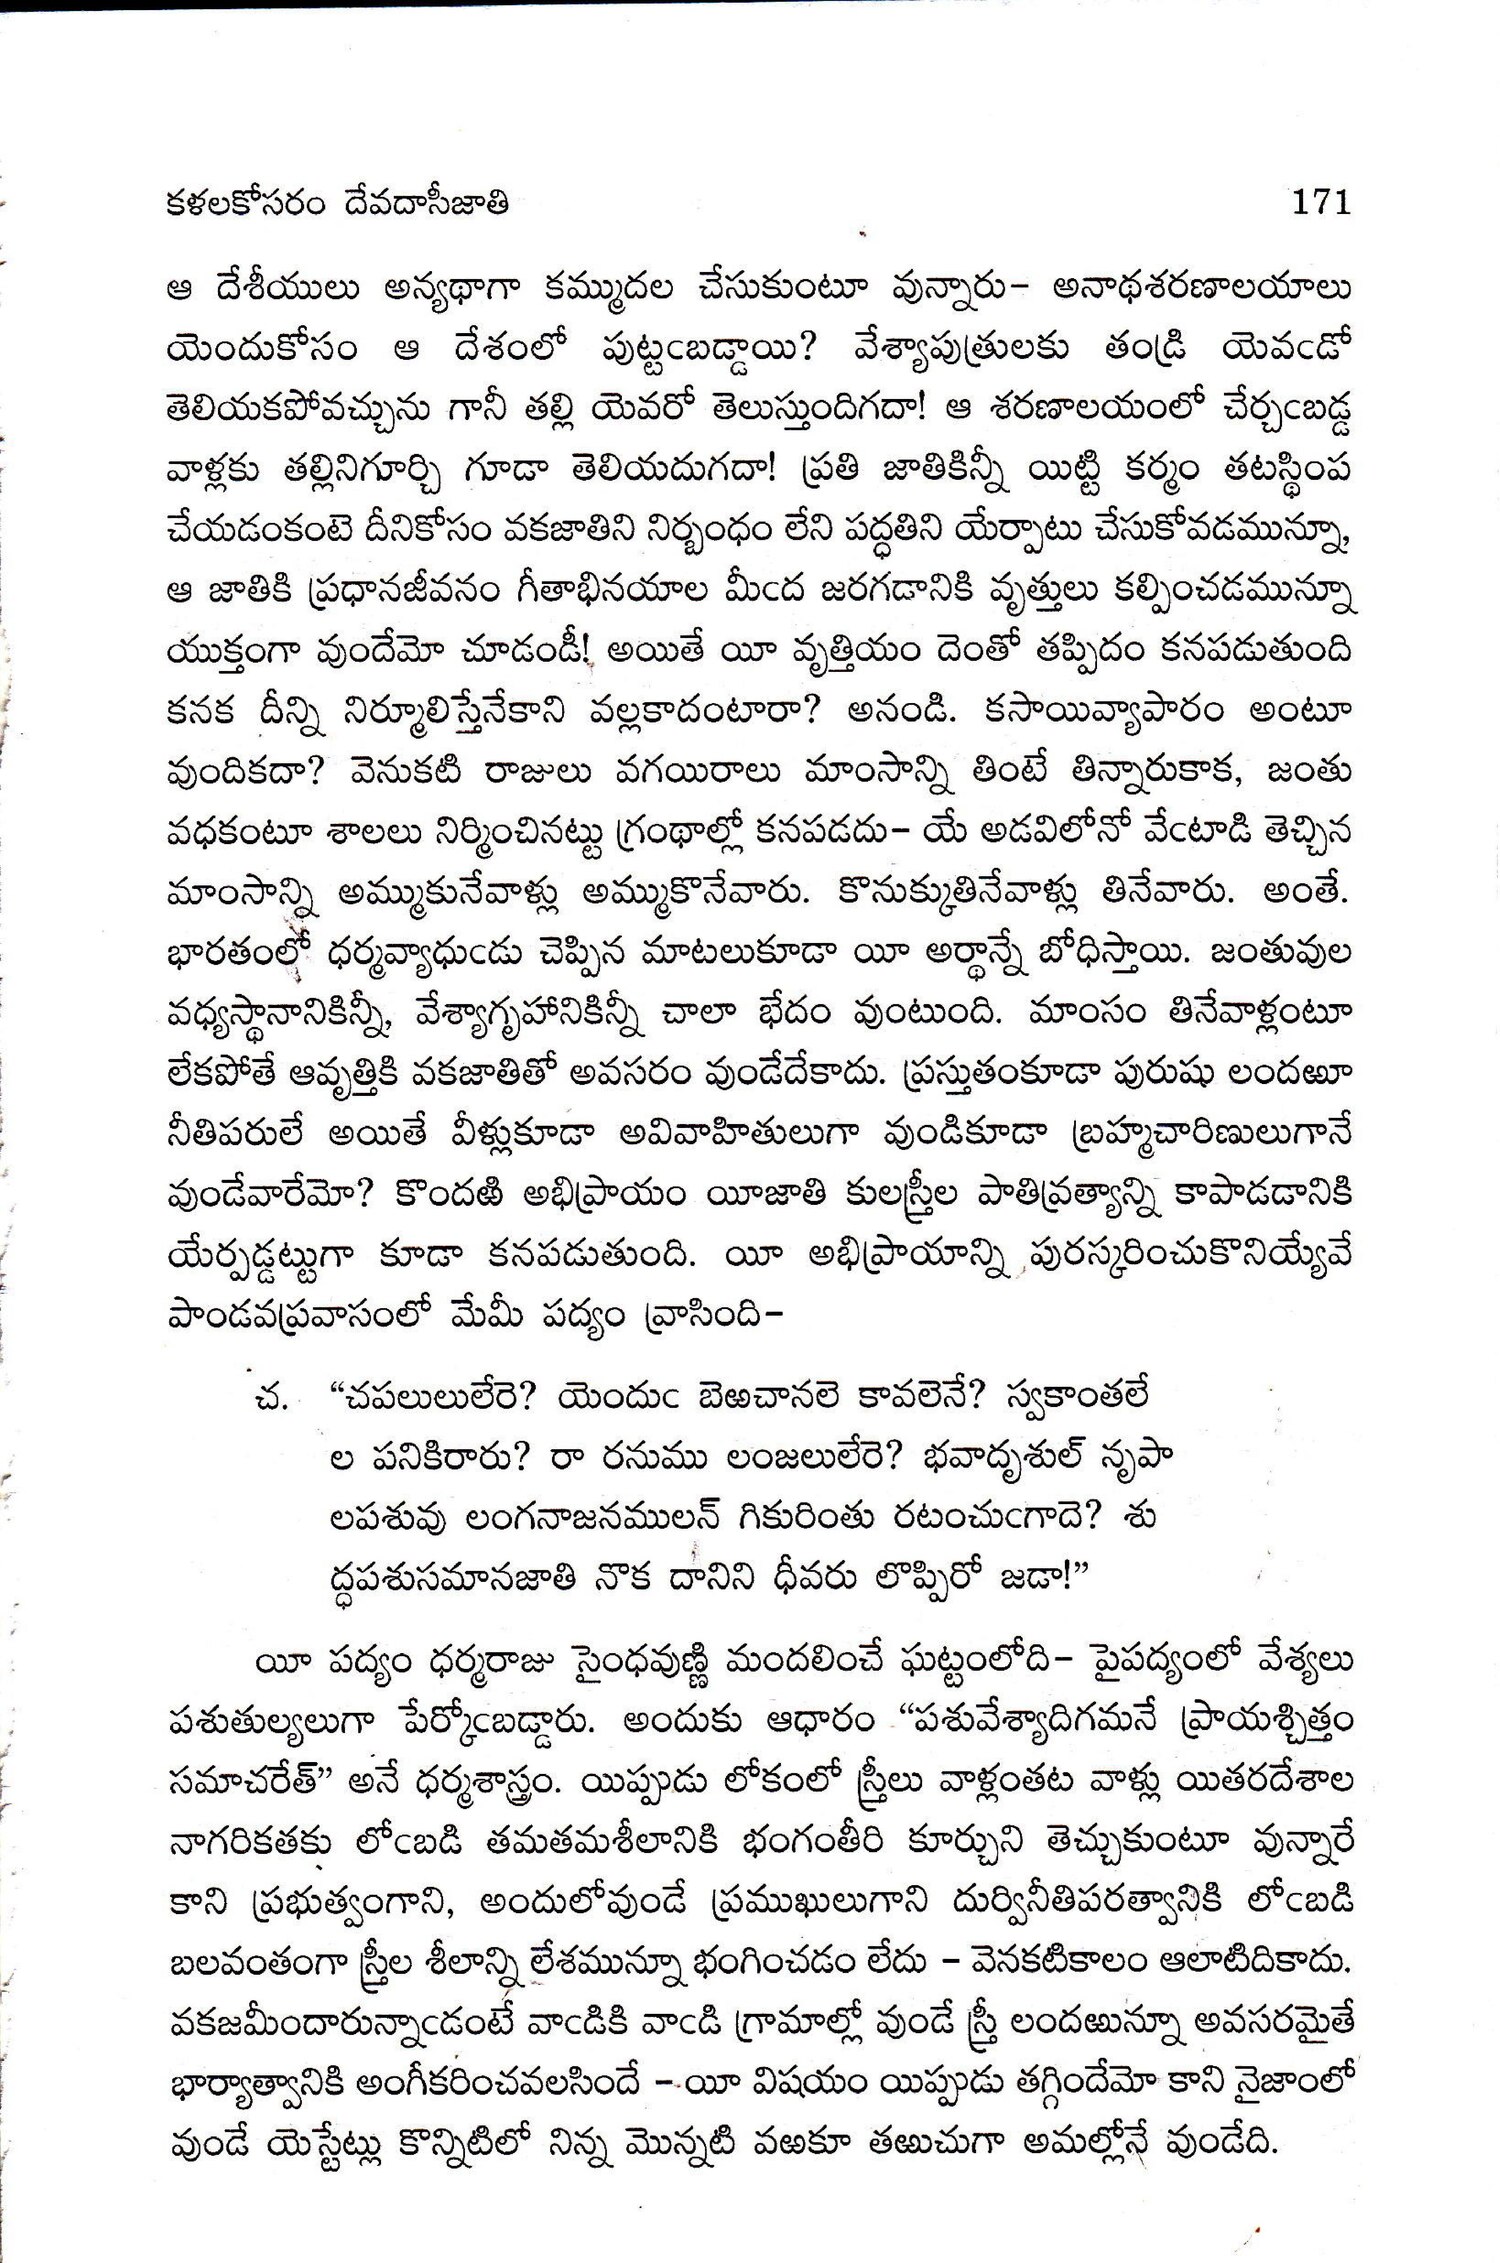ఆ దేశీయులు అన్యథాగా కమ్ముదల చేసుకుంటూ వున్నారు– అనాథశరణాలయాలు యెందుకోసం ఆ దేశంలో పుట్టఁబడ్డాయి? వేశ్యాపుత్రులకు తండ్రి యెవఁడో తెలియకపోవచ్చును గానీ తల్లి యెవరో తెలుస్తుందిగదా! ఆ శరణాలయంలో చేర్చఁబడ్డ వాళ్లకు తల్లినిగూర్చి గూడా తెలియదుగదా! ప్రతి జాతికిన్నీ యిట్టి కర్మం తటస్థింప చేయడంకంటె దీనికోసం వకజాతిని నిర్బంధం లేని పద్ధతిని యేర్పాటు చేసుకోవడమున్నూ ఆ జాతికి ప్రధానజీవనం గీతాభినయాల మీఁద జరగడానికి వృత్తులు కల్పించడమున్నూ యుక్తంగా వుందేమో చూడండీ! అయితే యీ వృత్తియం దెంతో తప్పిదం కనపడుతుంది కనక దీన్ని నిర్మూలిస్తేనేకాని వల్లకాదంటారా? అనండి. కసాయివ్యాపారం అంటూ వుందికదా? వెనుకటి రాజులు వగయిరాలు మాంసాన్ని తింటే తిన్నారుకాక, జంతు వధకంటూ శాలలు నిర్మించినట్టు గ్రంథాల్లో కనపడదు- యే అడవిలోనో వేఁటాడి తెచ్చిన మాంసాన్ని అమ్ముకునేవాళ్లు అమ్ముకొనేవారు. కొనుక్కుతినేవాళ్లు తినేవారు. అంతే. భారతంల్లో ధర్మవ్యాధుఁడు చెప్పిన మాటలుకూడా యీ అర్ధాన్నే బోధిస్తాయి. జంతువుల వధ్యస్థానానికిన్నీ వేశ్యాగృహానికిన్నీ చాలా భేదం వుంటుంది. మాంసం తినేవాళ్లంటూ లేకపోతే ఆవృత్తికి వకజాతితో అవసరం వుండేదేకాదు. ప్రస్తుతంకూడా పురుషు లందఱూ నీతిపరులే అయితే వీళ్లుకూడా అవివాహితులుగా వుండికూడా బ్రహ్మచారిణులుగానే వుండేవారేమో? కొందఱి అభిప్రాయం యీజాతి కులస్త్రీల పాతివ్రత్యాన్ని కాపాడడానికి యేర్పడ్డట్టుగా కూడా కనపడుతుంది. యీ అభిప్రాయాన్ని పురస్కరించుకొనియ్యేవే పాండవప్రవాసంలో మేమీ పద్యం వ్రాసింది

చ. “చపలులులేరె? యెందుఁ బెఱచానలె కావలెనే? స్వకాంతలే
 ల పనికిరారు? రా రనుము లంజలులేరె? భవాదృశుల్ నృపా 
 లపశువు లంగనాజనములన్ గికురింతు రటంచుఁగాదె? శు 
 ద్ధపశుసమానజాతి నొక దానిని ధీవరు లొప్పిరో జడా!"
యీ పద్యం ధర్మరాజు సైంధవుణ్ణి మందలించే ఘట్టంలోది- పైపద్యంలో వేశ్యలు పశుతుల్యలుగా పేర్కోఁబడ్డారు. అందుకు ఆధారం "పశువేశ్యాదిగమనే ప్రాయశ్చిత్తం సమాచరేత్" అనే ధర్మశాస్త్రం. యిప్పుడు లోకంలో స్త్రీలు వాళ్లంతట వాళ్లు యితరదేశాల నాగరికతకు లోcబడి తమతమశీలానికి భంగంతీరి కూర్చుని తెచ్చుకుంటూ వున్నారే కాని ప్రభుత్వంగాని, అందులోవుండే ప్రముఖులుగాని దుర్వినీతిపరత్వానికి లోcబడి బలవంతంగా స్త్రీల శీలాన్ని లేశమున్నూ భంగించడం లేదు - వెనకటికాలం ఆలాటిదికాదు. వకజమీందారున్నాఁడంటే వాఁడికి వాఁడి గ్రామాల్లో వుండే స్త్రీ లందఱున్నూ అవసరమైతే భార్యాత్వానికి అంగీకరించవలసిందే -యీ విషయం యిప్పుడు తగ్గిందేమో కాని నైజాంలో వుండే యెస్టేట్లు కొన్నిటిలో నిన్న మొన్నటి వఱకూ తఱుచుగా అమల్లోనే వుండేది.